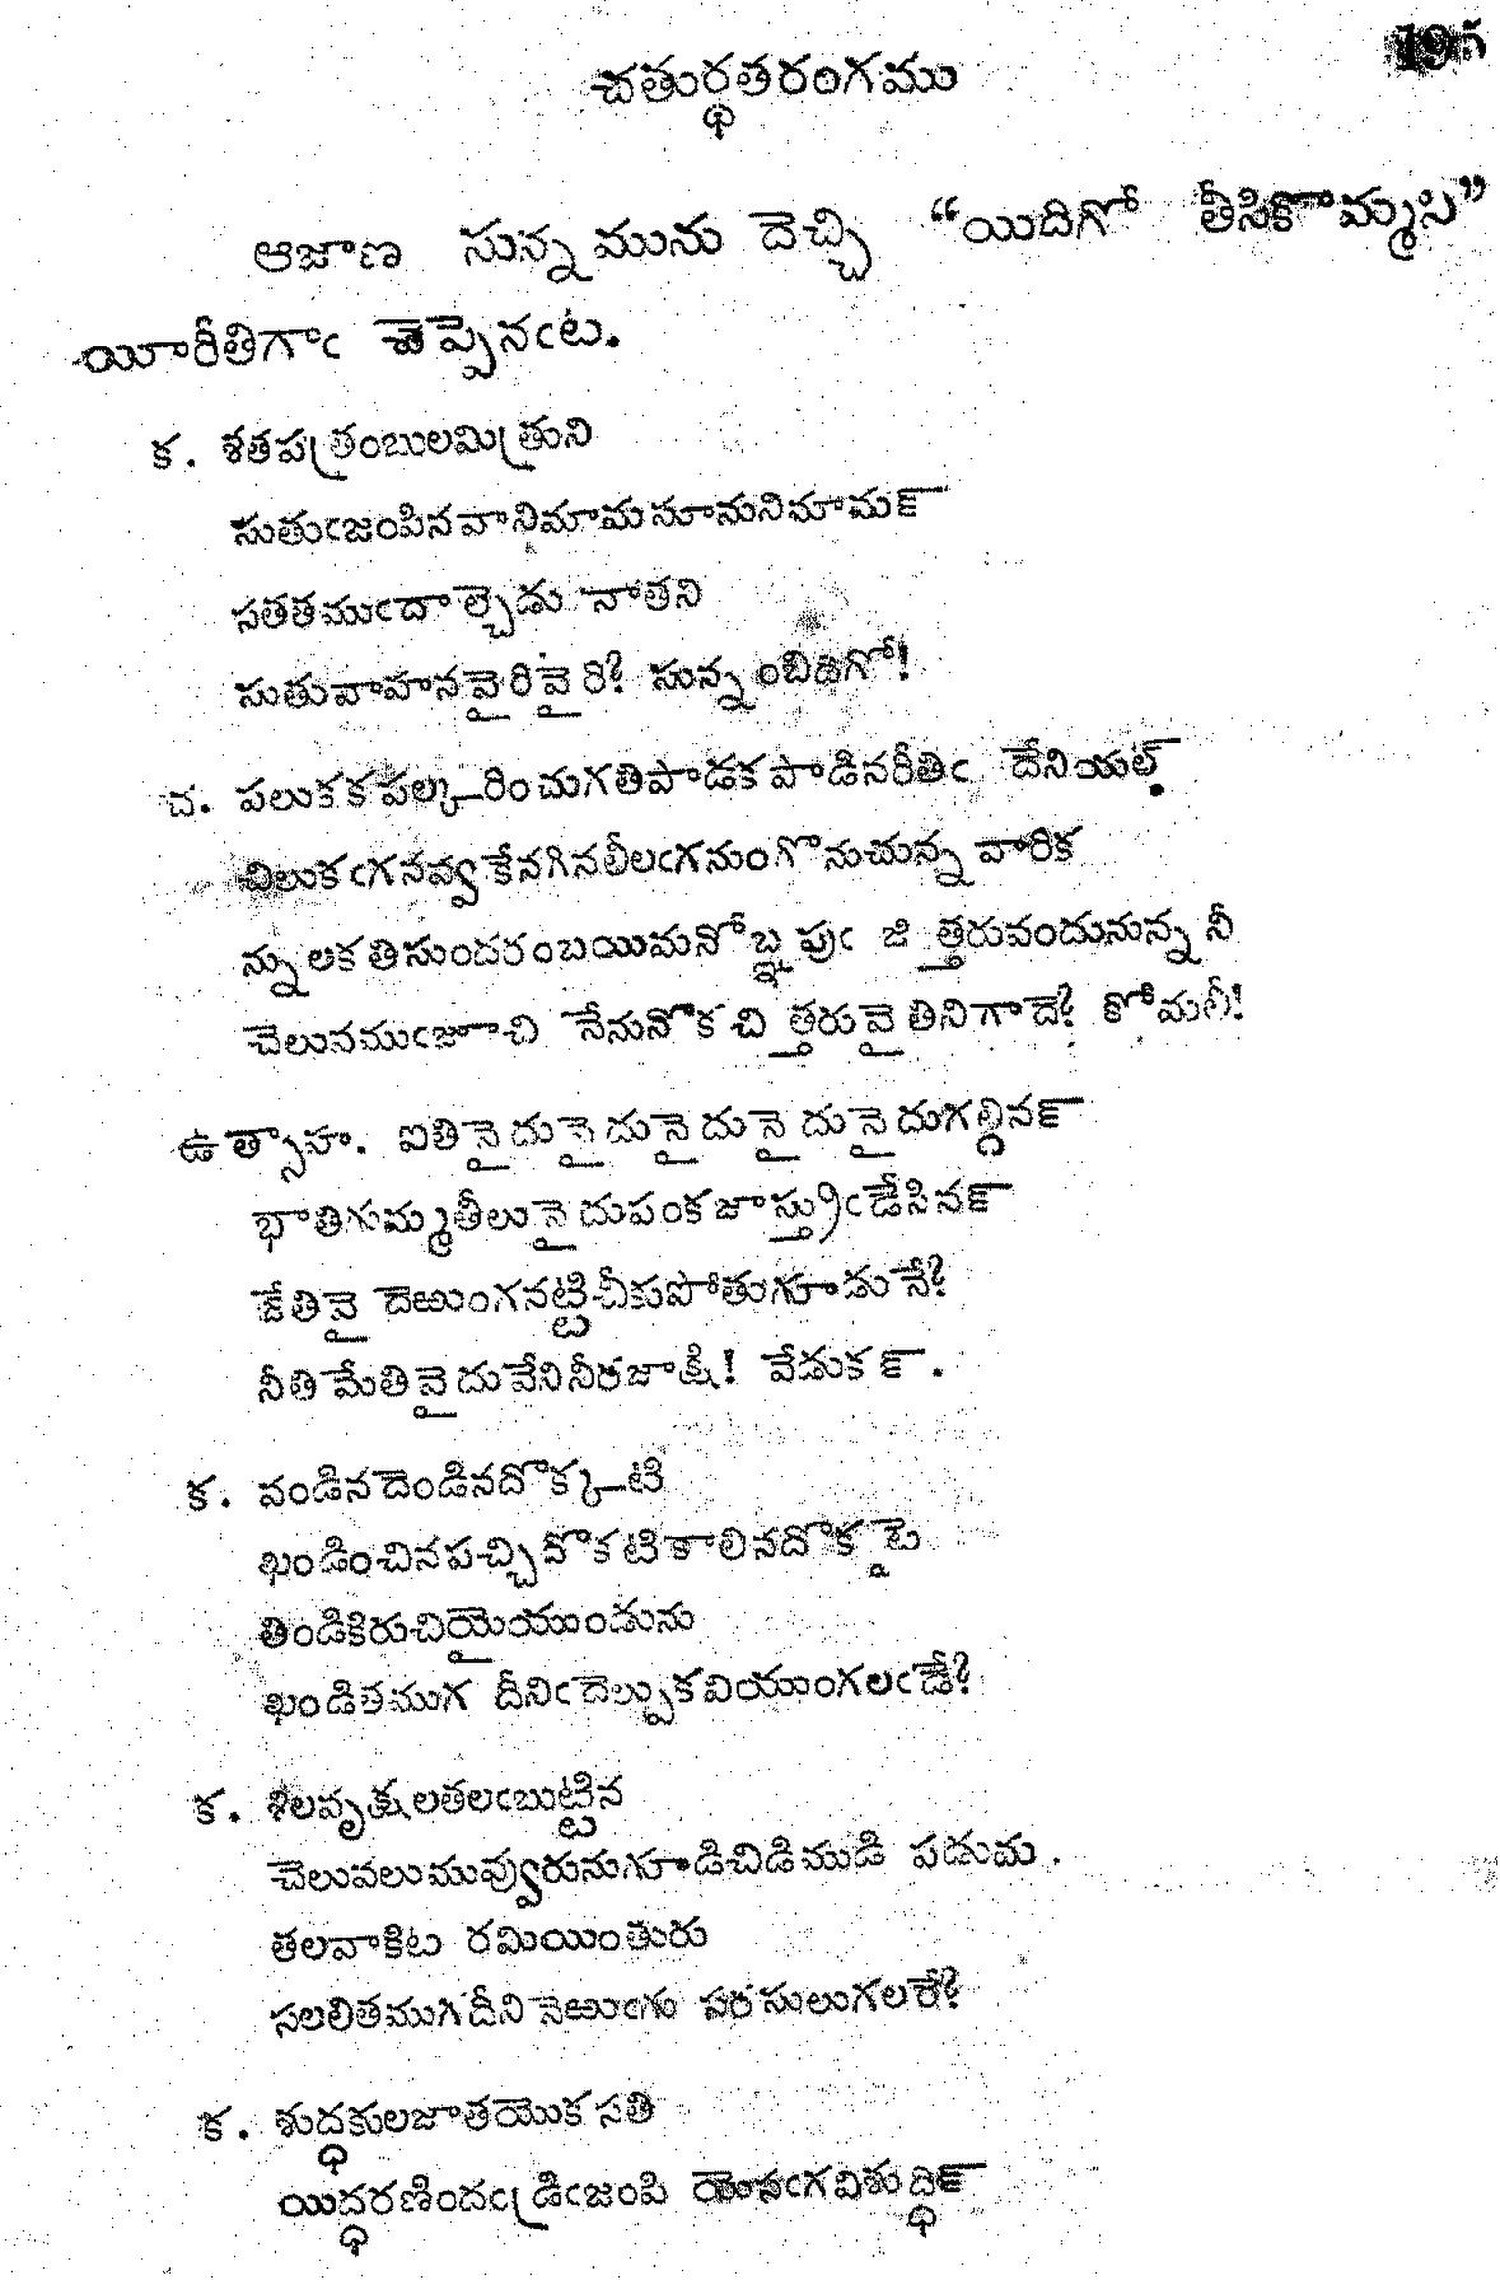ఆజాణ సున్నమును దెచ్చి “యిదిగో తీసికొమ్మని” యీరీతిగాఁ జెప్పెనఁట.

క. శతపత్రంబులమిత్రుని
 సుతుఁజంపినవానిమామసూనునిమామన్
 సతతముఁ దాల్చెడు నాతని
 సుతువాహనవైరివైరి? సున్నం బిదిగో!

చ. పలుకకపల్కరించుగతి పాడకపాడినరీతిఁ దేనియల్
 చిలుకఁగ నవ్వకేనగినలీలఁ గనుంగొనుచున్నవారిక
 న్నుల కతిసుందరంబయి మనోజ్ఞపుఁ జిత్తరువందు నున్న నీ
 చెలువముఁ జూచి నేను నొకచిత్తరు వైతినిగాదె? కోమలీ!

ఉత్సాహ. ఐతినైదునైదునైదునైదునైదుగల్గినన్
 భాతిగుమ్మతీలునైదు పంకజాస్త్రుఁ డేసినన్
 జేతివై దెఱుంగనట్టి చీకుపోతు గూడునే?
 నీతిమేతివైదువేని నీరజాక్షి! వేడుకన్.

క. వండిన దెండిన దొక్కటి
 ఖండించిన పచ్చి దొకటి కాలిన దొకటై
 తిండికి రుచియై యుండును
 ఖండితముగ దీనిఁ దెల్పు కవియుం గలఁడే?

క. శిల్పవృక్షలతలఁ బుట్టిన
 చెలువలు మువ్వురును గూడి చిడిముడి పడుచున్
 తలవాకిట రమియుంతురు
 సలలితముగ దీని నెఱుఁగు సరసులు గలరే?

క. శుద్ధకులజాత యొకసతి
 యిద్ధరణిం దండ్రిఁ జంపి యెసఁగ విశుద్ధిన్